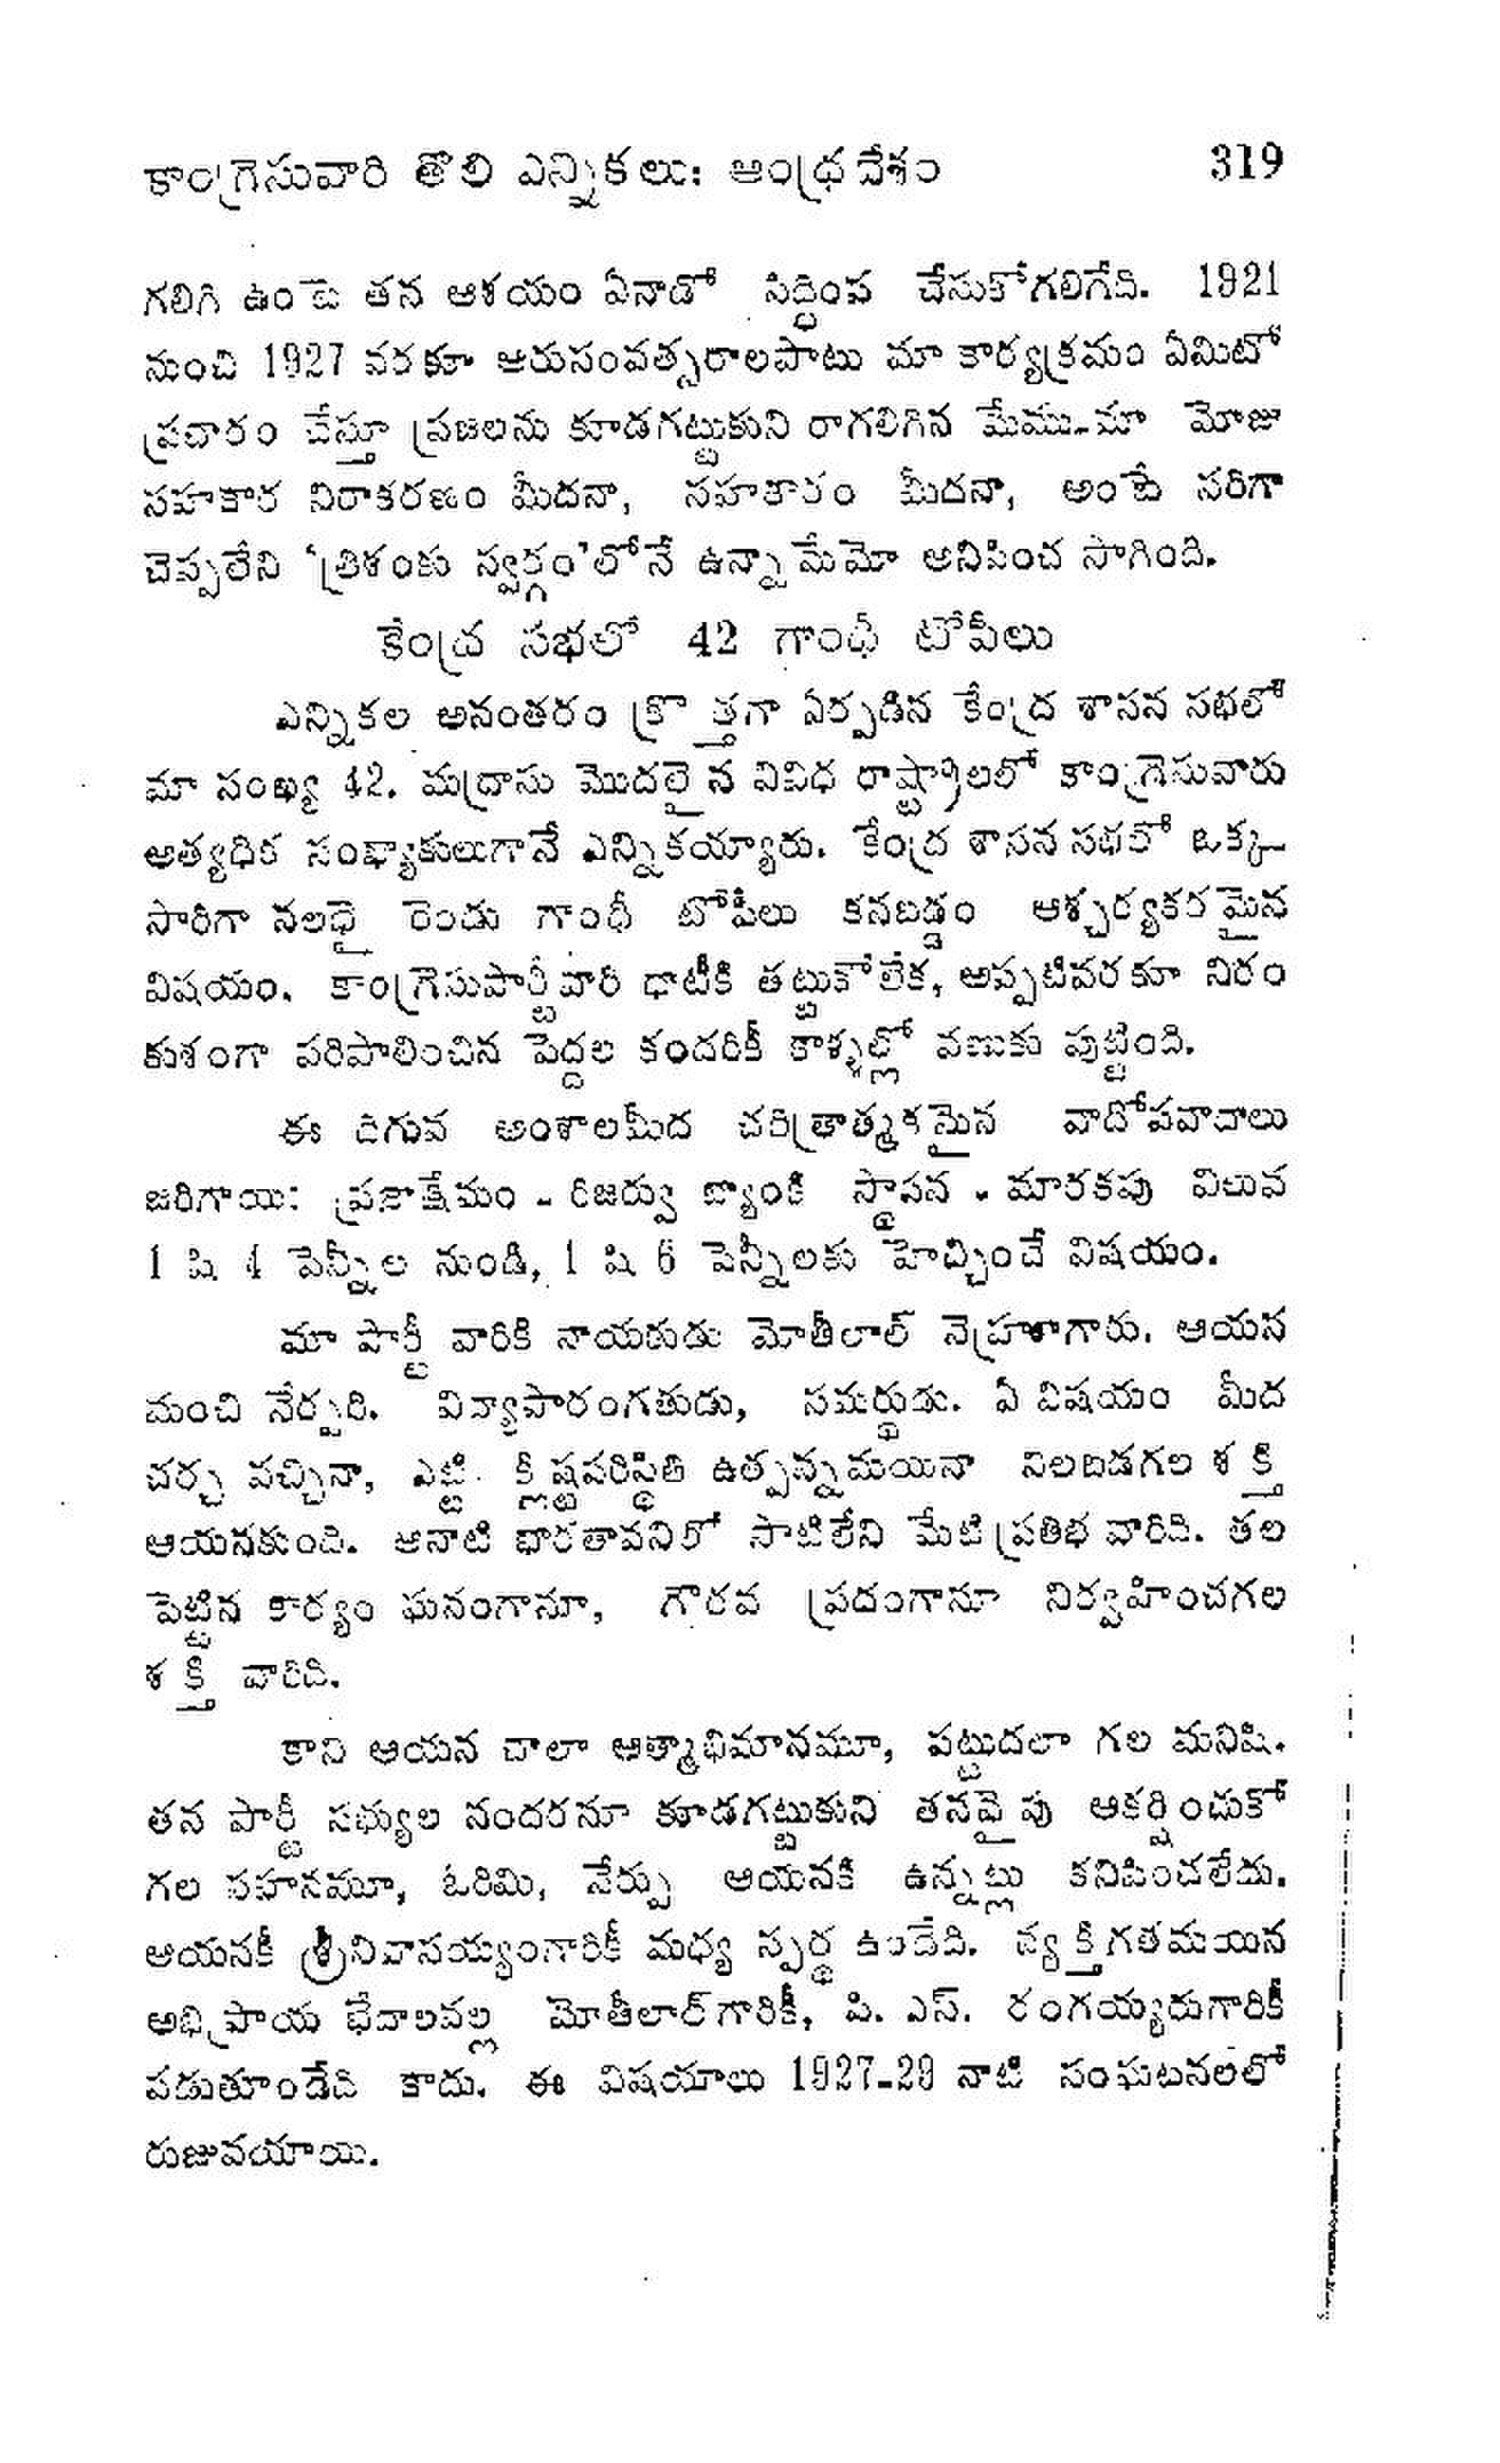గలిగి ఉంటె తన ఆశయం ఏనాడో సిద్ధింప చేసుకోగలిగేది. 1921 నుంచి 1927 వరకూ ఆరు సంవత్సరాలపాటు మా కార్యక్రమం ఏమిటో ప్రచారం చేస్తూ ప్రజలను కూడగట్టుకుని రాగలిగిన మేమూ-మామోజు సహకార నిరాకరణం మీదనా, సహకారం మీదనా, అంటే సరిగా చెప్పలేని "త్రిశంకు స్వర్గం" లోనే ఉన్నామేమో అనిపించ సాగింది.

ఎన్నికల అనంతరం క్రొత్తగా ఏర్పడిన కేంద్ర శాసన సభలో మాసంఖ్య 42. మద్రాసు మొదలైన వివిధ రాష్ట్రాలలో కాంగ్రెసువారు అత్యధిక సంఖ్యాకులుగానే ఎన్నికయ్యారు. కేంద్ర శాసన సభలో ఒక్క సారిగా నలభై రెండు గాంధీ టోపీలు కనబడ్డం ఆశ్చర్యకరమైన విషయం. కాంగ్రెసుపార్టీవారి ధాటికి తట్టుకోలేక, అప్పటివరకూ నిరంకుశంగా పరిపాలించిన పెద్దల కందరికీ కాళ్ళలో వణుకు పుట్టింది.

ఈ దిగువ అంశాలమీద చరిత్రాత్మకమైన వాదోపవాదాలు జరిగాయి: ప్రజాక్షేమం-రిజర్వు బ్యాంకి స్థాపన-మారకపు విలువ 1 షి 4 పెన్నీల నుండి, 1 షి 6 పెన్నీలకు హెచ్చించే విషయం.

మా పార్టీ వారికి నాయకుడు మోతిలాల్ నెహ్రూగారు. ఆయన మంచి నేర్పరి. విద్యాపారంగతుడు. సమర్థుడు. ఏ విషయం మీద చర్చ వచ్చినా, ఎట్టి క్లిష్టపరిస్థితి ఉత్పన్నమయినా నిలబడగల శక్తి ఆయనకుంది. ఆనాటి భారతావనిలో సాటిలేని మేటి ప్రతిభ వారిది. తలపెట్టిన కార్యం ఘనంగానూ, గౌరవ ప్రదంగానూ నిర్వహించగల శక్తి వారిది.

కాని ఆయన చాలా ఆత్మాభిమానమూ, పట్టుదలా గల మనిషి. తన పార్టీ సభ్యుల నందరనూ కూడగట్టుకుని తనవైపు ఆకర్షించుకోగల సహనమూ, ఓరిమి, నేర్పు ఆయనకి ఉన్నట్లు కనిపించలేదు. ఆయనకీ శ్రీనివాసయ్యంగారికీ మధ్య స్పర్థ ఉండేది. వ్యక్తిగతమయిన అభిప్రాయ భేదాలవల్ల మోతిలాల్ గారికీ, పి. ఎస్. రంగయ్యరుగారికీ పడుతూండేది కాదు. ఈ విషయాలు 1927-28 నాటి సంఘటనలలో రుజువయాయి.